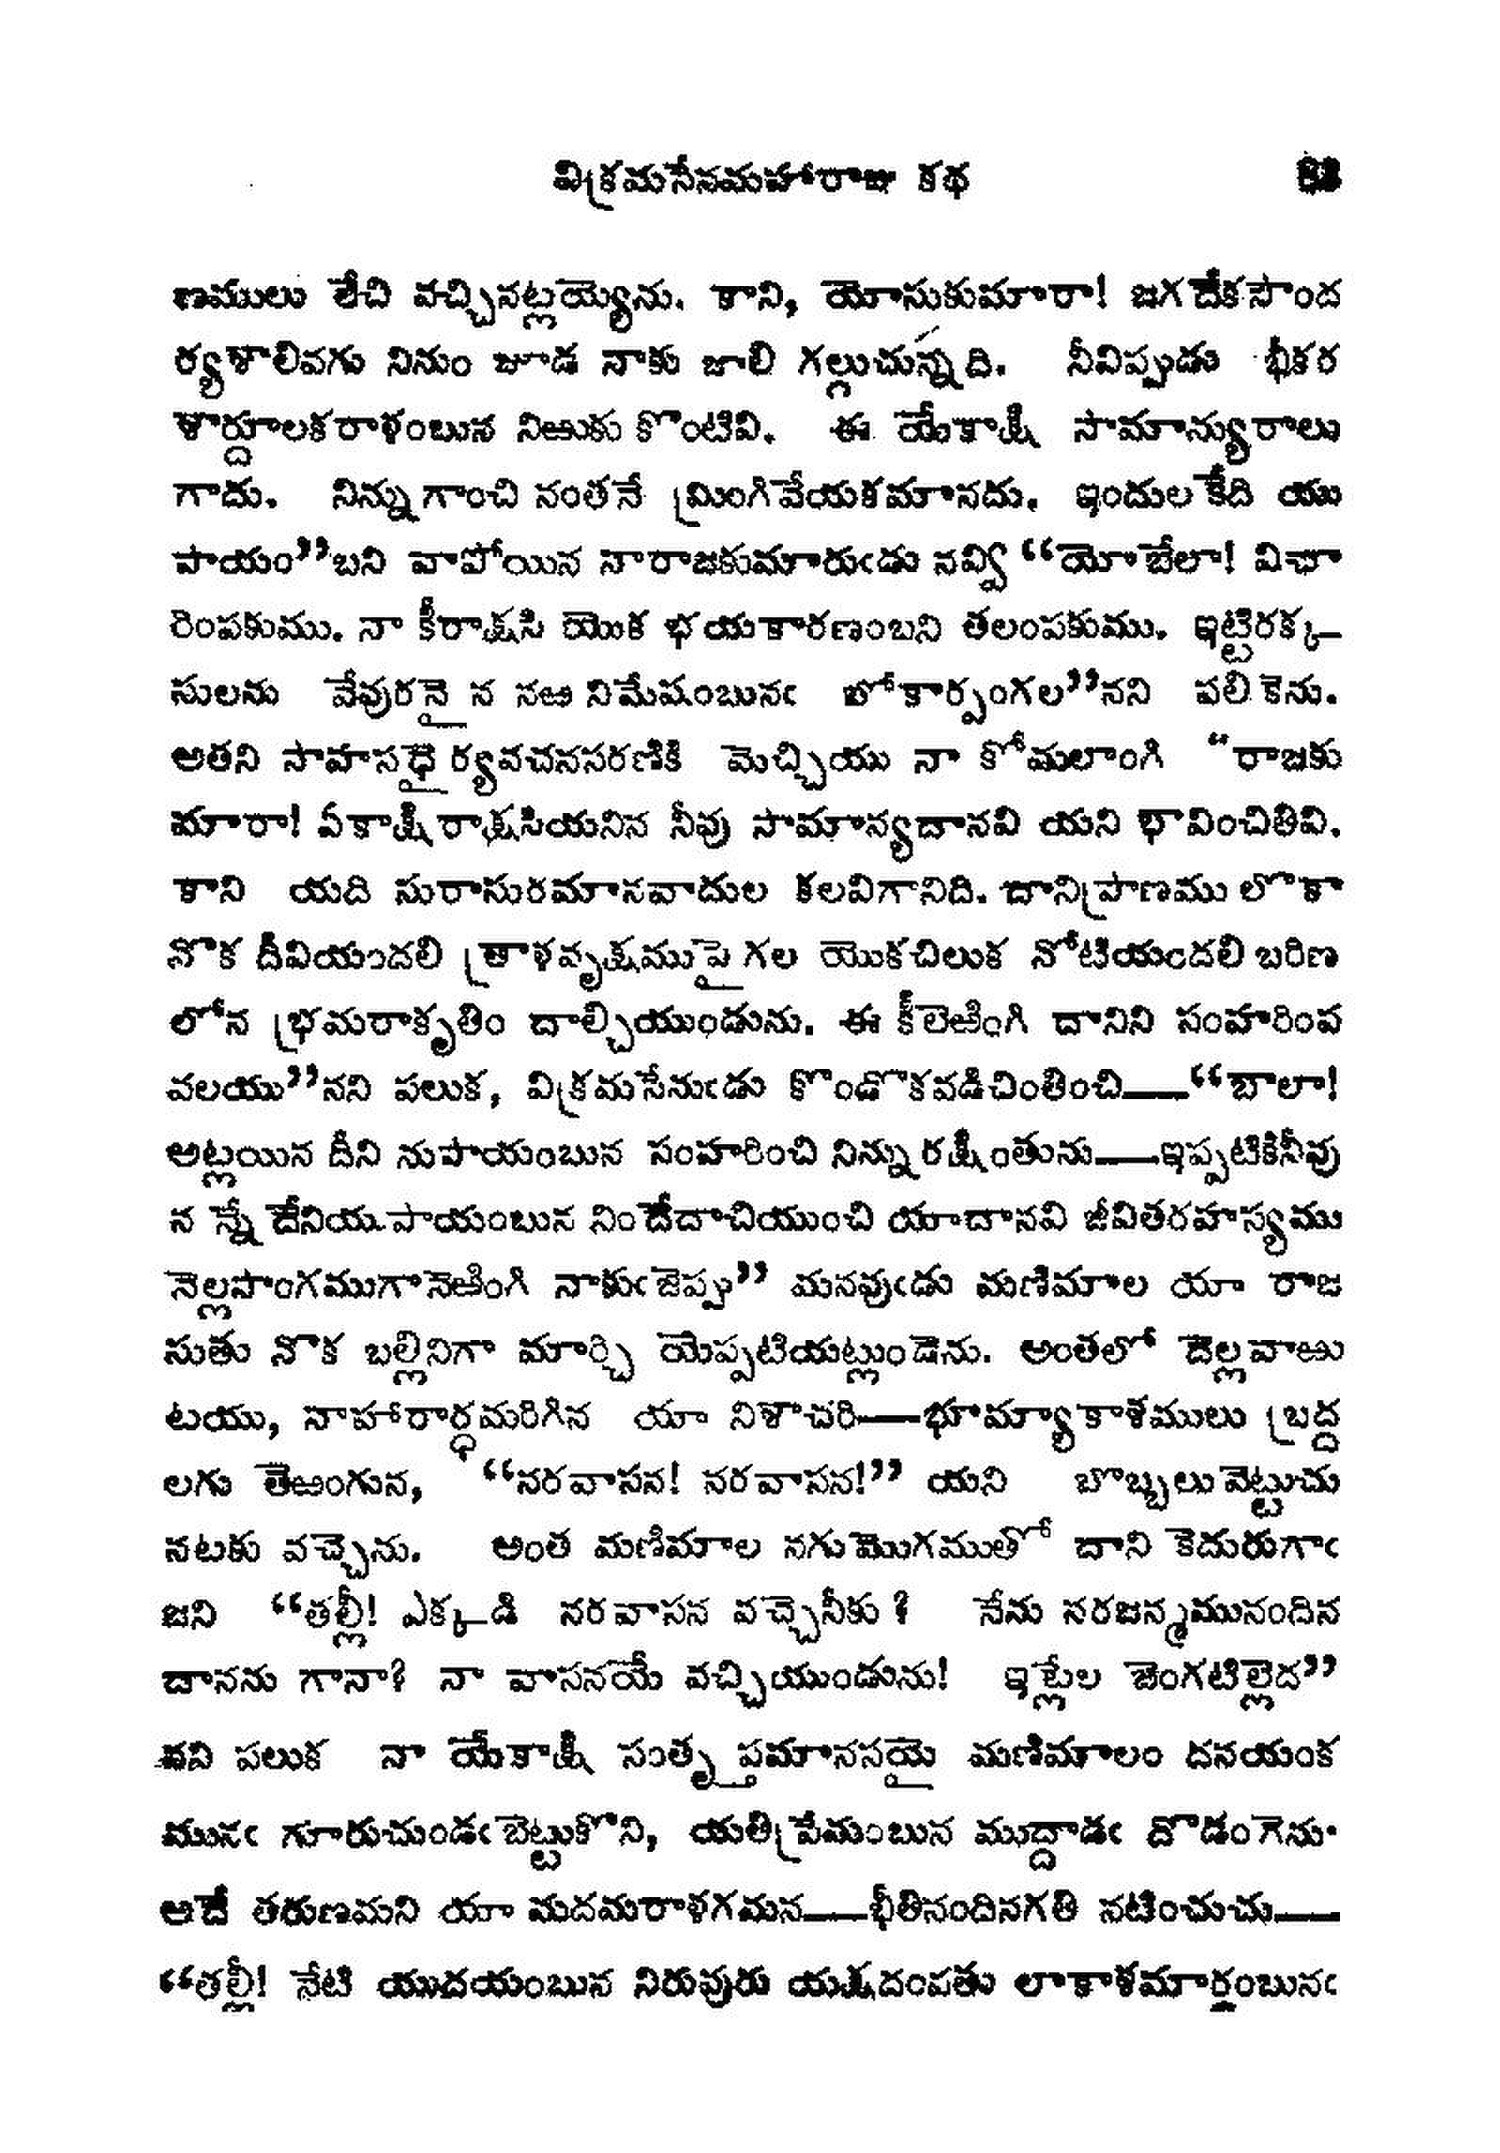ణములు లేచి వచ్చినట్లయ్యెను. కాని, యోసుకుమారా! జగదేక సౌందర్యశాలివగు నినుం జూడ నాకు జాలి గల్లుచున్నది. నీవిప్పుడు భీకర శార్దూలకరాళంబున నిఱుకు కొంటివి. ఈ యేకాక్షి సామాన్యురాలు గాదు, నిన్ను గాంచి నంతనే మ్రింగి వేయకమానదు. ఇందులకేది యుపాయం" బని వాపోయిన నారాజకుమారుఁడు నవ్వి "యో బేలా! విచారింపకుము. నా కీరాక్షసి యొక భయకారణంబని తలంపకుము, ఇట్టిరక్కసులను వేవురనైన సఱ నిమేషంబునఁ బోకార్పంగల"నని పలికెను.
అతని సాహసదైర్యవచనసరణికి మెచ్చియు నా కోమలాంగి “రాజకుమారా! ఏకాక్షి రాక్షసియనిన నీవు సామాన్య దానవి యని భావించితివి, కాని యది సురాసురమానవాదుల కలవిగానిది. దాని ప్రాణము లొకానొక దీవియందలి తాళవృక్షముపై గల యొక చిలుక నోటియందలి బరిణలోన భ్రమరాకృతిం దాల్చియుండును. ఈ కీలెఱింగి దానిని సంహరింపవలయు"నని పలుక, విక్రమసేనుఁడు కొండొకవడి చింతించి——"బాలా! అట్లయిన దీని నుపాయంబున సంహరించి నిన్ను రక్షింతును—— ఇప్పటికి నీవు నన్నే దేనియుపాయంబున నిందేదాచియుంచి యాదానవి జీవితరహస్యము నెల్లపాంగముగా నెఱింగి నాకుఁ జెప్పు” మనవుఁడు మణిమాల యా రాజసుతు నొక బల్లినిగా మార్చి యేప్పటియట్లుండెను. అంతలో దెల్లవాఱుటయు, నాహారార్ధ మరిగిన యా నిశాచరి——భూమ్యాకాశములు బ్రద్దలగు తెఱంగున, "నరవాసన! నరవాసన!" యని బొబ్బలు పెట్టుచు నటకు వచ్చెను. అంత మణిమాల నగు మొగముతో దాని కెదురుగాఁ జని "తల్లీ! ఎక్కడి నర వాసన వచ్చెనీకు? నేను నరజన్మమునందిన దానను గానా? నా వాసనయే వచ్చియుండును! ఇట్లేల బెంగటిల్లెద”వని పలుక నా యేకాక్షి సంతృప్తమానసయై మణిమాలం దనయంకమునఁ గూరుచుండఁ బెట్టుకొని, యతి ప్రేమంబున ముద్దాడఁ దొడంగెను. ఆదే తరుణమని యా మదమరాళగమన—— భీతినందినగతి నటించుచు—— తల్లీ! నేటి యుదయంబున నిరువురు యక్షదంపతు లాకాశమార్గంబునఁ